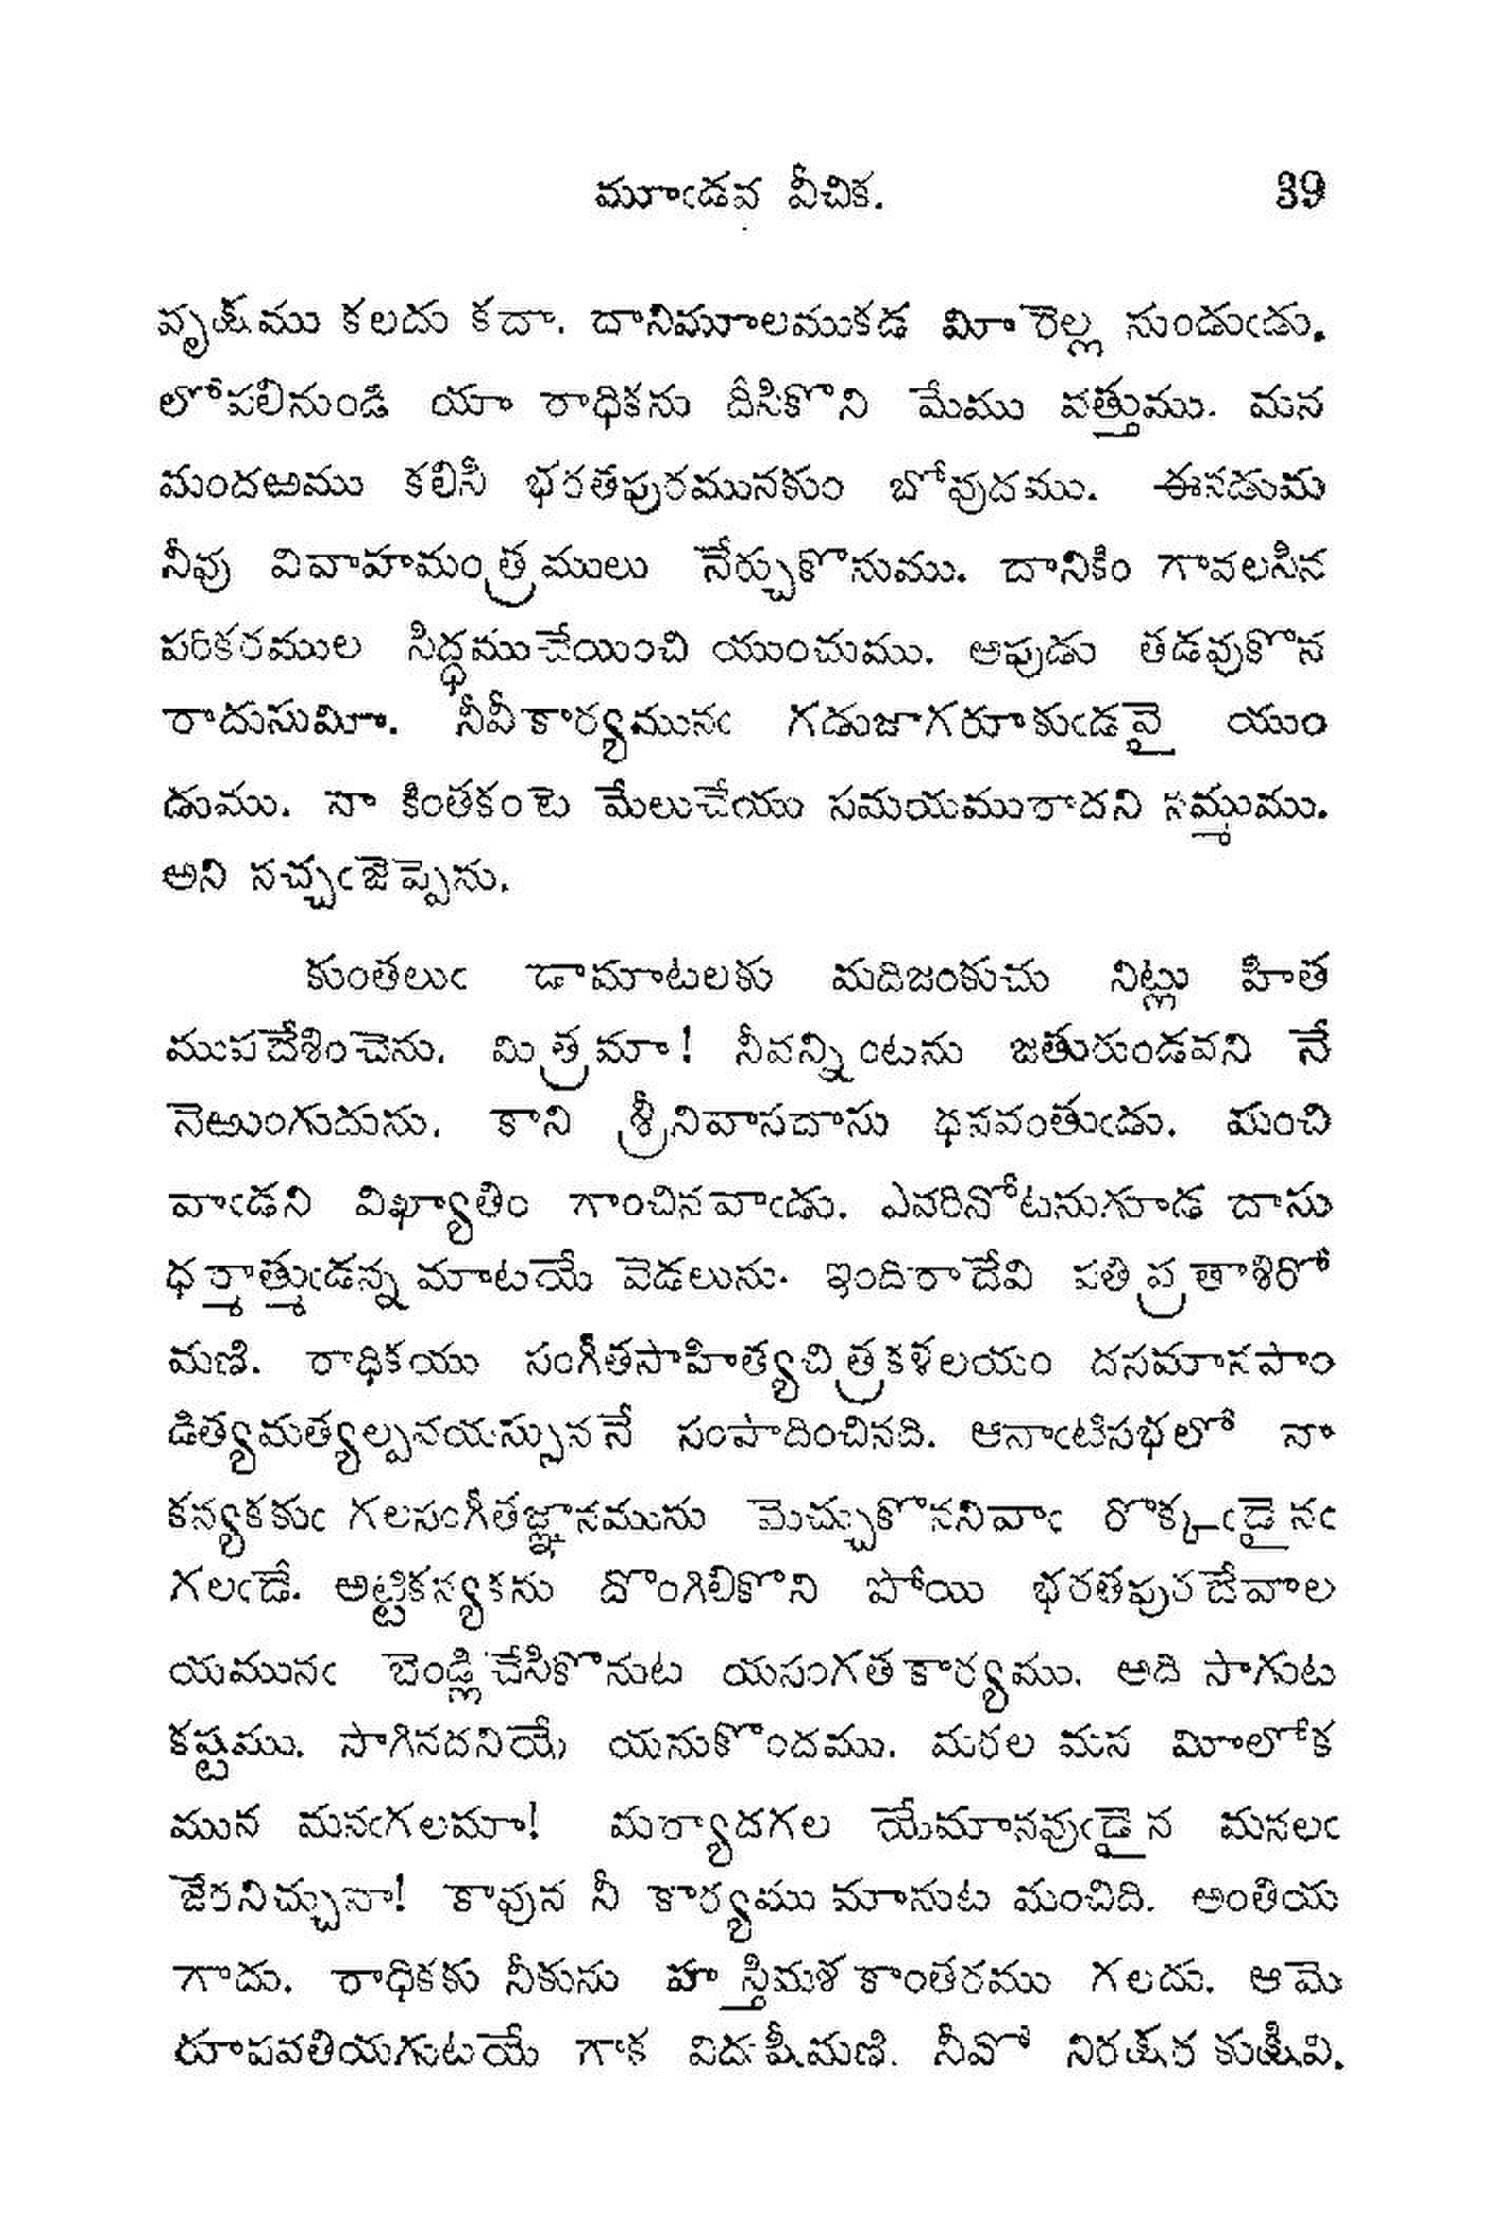వృక్షము కలదు కదా. దానిమూలముకడ మీరెల్ల నుండుఁడు. లోపలినుండి యా రాధికను దీసికొని మేము వత్తుము. మన మందఱము కలిసి భరతపురమునకుం బోవుదము. ఈనడుమ నీవు వివాహమంత్రములు నేర్చుకొనుము. దానికిం గావలసిన పరికరముల సిధ్ధము చేయించి యుంచుము. అపుడు తడవుకోన రాదుసుమీ. నీవీ కార్యమునఁ గడుజాగరూకుఁడవై యుండుము. నా కింతకంటె మేలుచేయు సమయమురాదని నమ్ముము. అని నచ్చఁ జెప్పెను.

కుంతలుఁ డామాటలకు మదిజంకుచు నిట్లు హిత ముపదేశించెను. మిత్రమా! నీవన్నింటను జతురుండవని నే నెఱుంగుదును. కాని శ్రీనివాసదాసు ధనవంతుఁడు. మంచి వాఁడని విఖ్యాతిం గాంచిన వాఁడు. ఎవరినోటనుగూడ దాసు ధర్మాత్ముఁడన్న మాటయే వెడలును. ఇందిరాదేవి పతివ్రతాశిరోమణి. రాధికయు సంగీతసాహిత్వచిత్రకళలయం దసమానపాండిత్యమత్యల్పవయస్సుననే సంపాదించినది. ఆనాఁటీసభలో నా కన్యకకుఁ గలసంగీతజ్ఞానమును మెచ్చుకొననివాఁ రొక్కఁడైనఁ గలఁడే. అట్టికన్యకను దొంగిలికొని పోయి భరతపుర దేవాలయమునఁ బెండ్లి చేసికొనుట యసంగత కార్యము. అది సాగుట కష్టము. సాగినదనియే యనుకొందము. మరల మన మీలోకమున మనఁగలమా! మర్యాదగల యేమానవుఁడైన మనలఁ జేరనిచ్చునా! కావున నీ కార్యము మానుట మంచిది. అంతియ గాదు. రాధికకు నీకును హస్తిమశకాంతరము గలదు. ఆమె రూపవతియగుటయే గాక విదుషీమణి. నీవో నిరక్షరకుక్షివి.